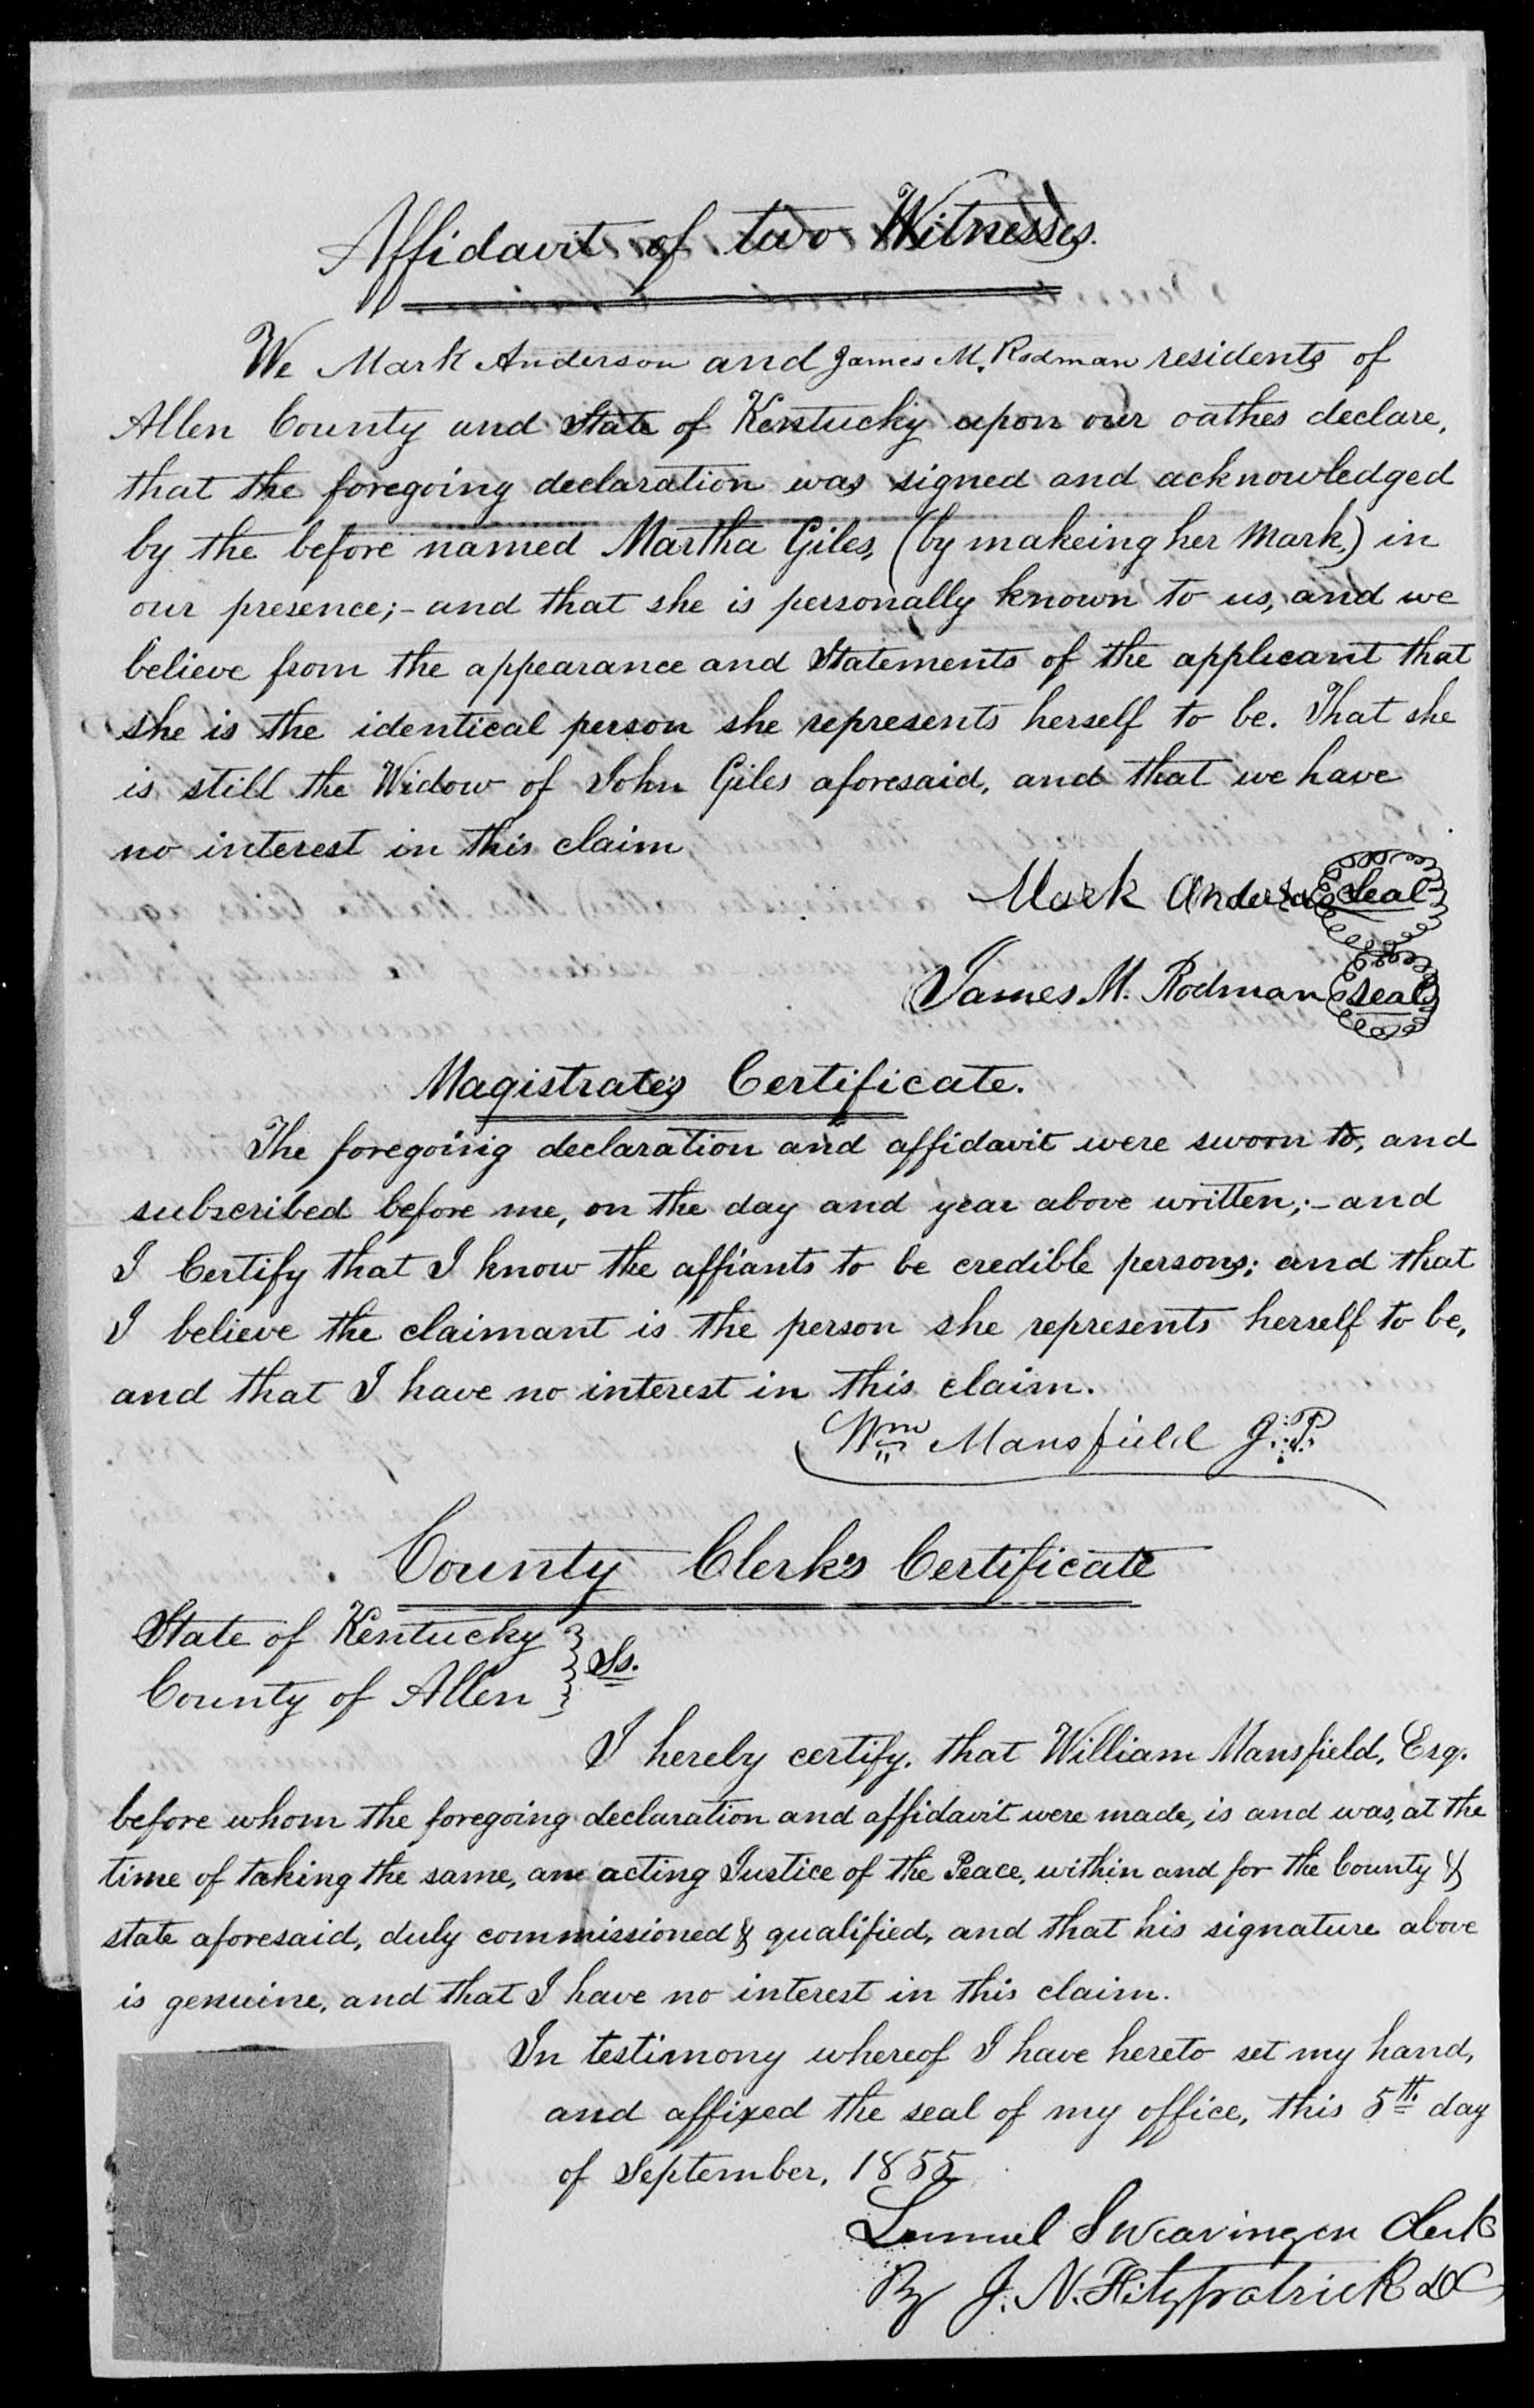Affidavit of Two Witnesses

We Mark Anderson and James M Rodman residents of Allen County and State of Kentucky upon our oathes declare, that the foregoing declaration was signed and acknowledged by the before named Martha Giles, (by makeing her mark) in our presence; and that she is personally known to us, and we believe from the appearance and Statements of the applicant that she is the identical person she represents herself to be. that she is still the Widow of John Giles aforesaid, and that we have no interest in this claim.

Mark Anderson Seal
James M. Rodman Seal

Magistrates Certificate
The forgoing declaration and affidavit were sworn to and subscribed before me, on the day and year above written; and I certify that I know the affiants to be credible persons; and that I believe the claimant is the person she represents herself to be, and that I have no interest in this claim.

William Mansfield J.P.

County Clerk's Certificate
State of Kentucky} Ss.
County of Allen }

I hereby certify, that William Mansfield, Esq. before whom the foregoing declaration and affidavit were made, is and was, at the time of taking the same, am acting Justice of the Peace, within and for the County of State aforesaid, duly commissioned and qualified, and that his signature above is genuine, and that I have no interest in this claim.

In testimony whereof I hereto set my hand, and affixed the seal of my office, this 5th day of September, 1855.

Samauel S. Wavingon Clerk
By J. N. Fitzpatrick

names: Mark Anderson, Martha Giles, Mark Anderson, William Mansfield, John Giles, Lemuel Swearingen, Wm Mansfield, James M Rodman, James M Rodman, J N Fitzpatrick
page: 18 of 82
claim: widow's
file: W. 7,522, John Giles, N.C.